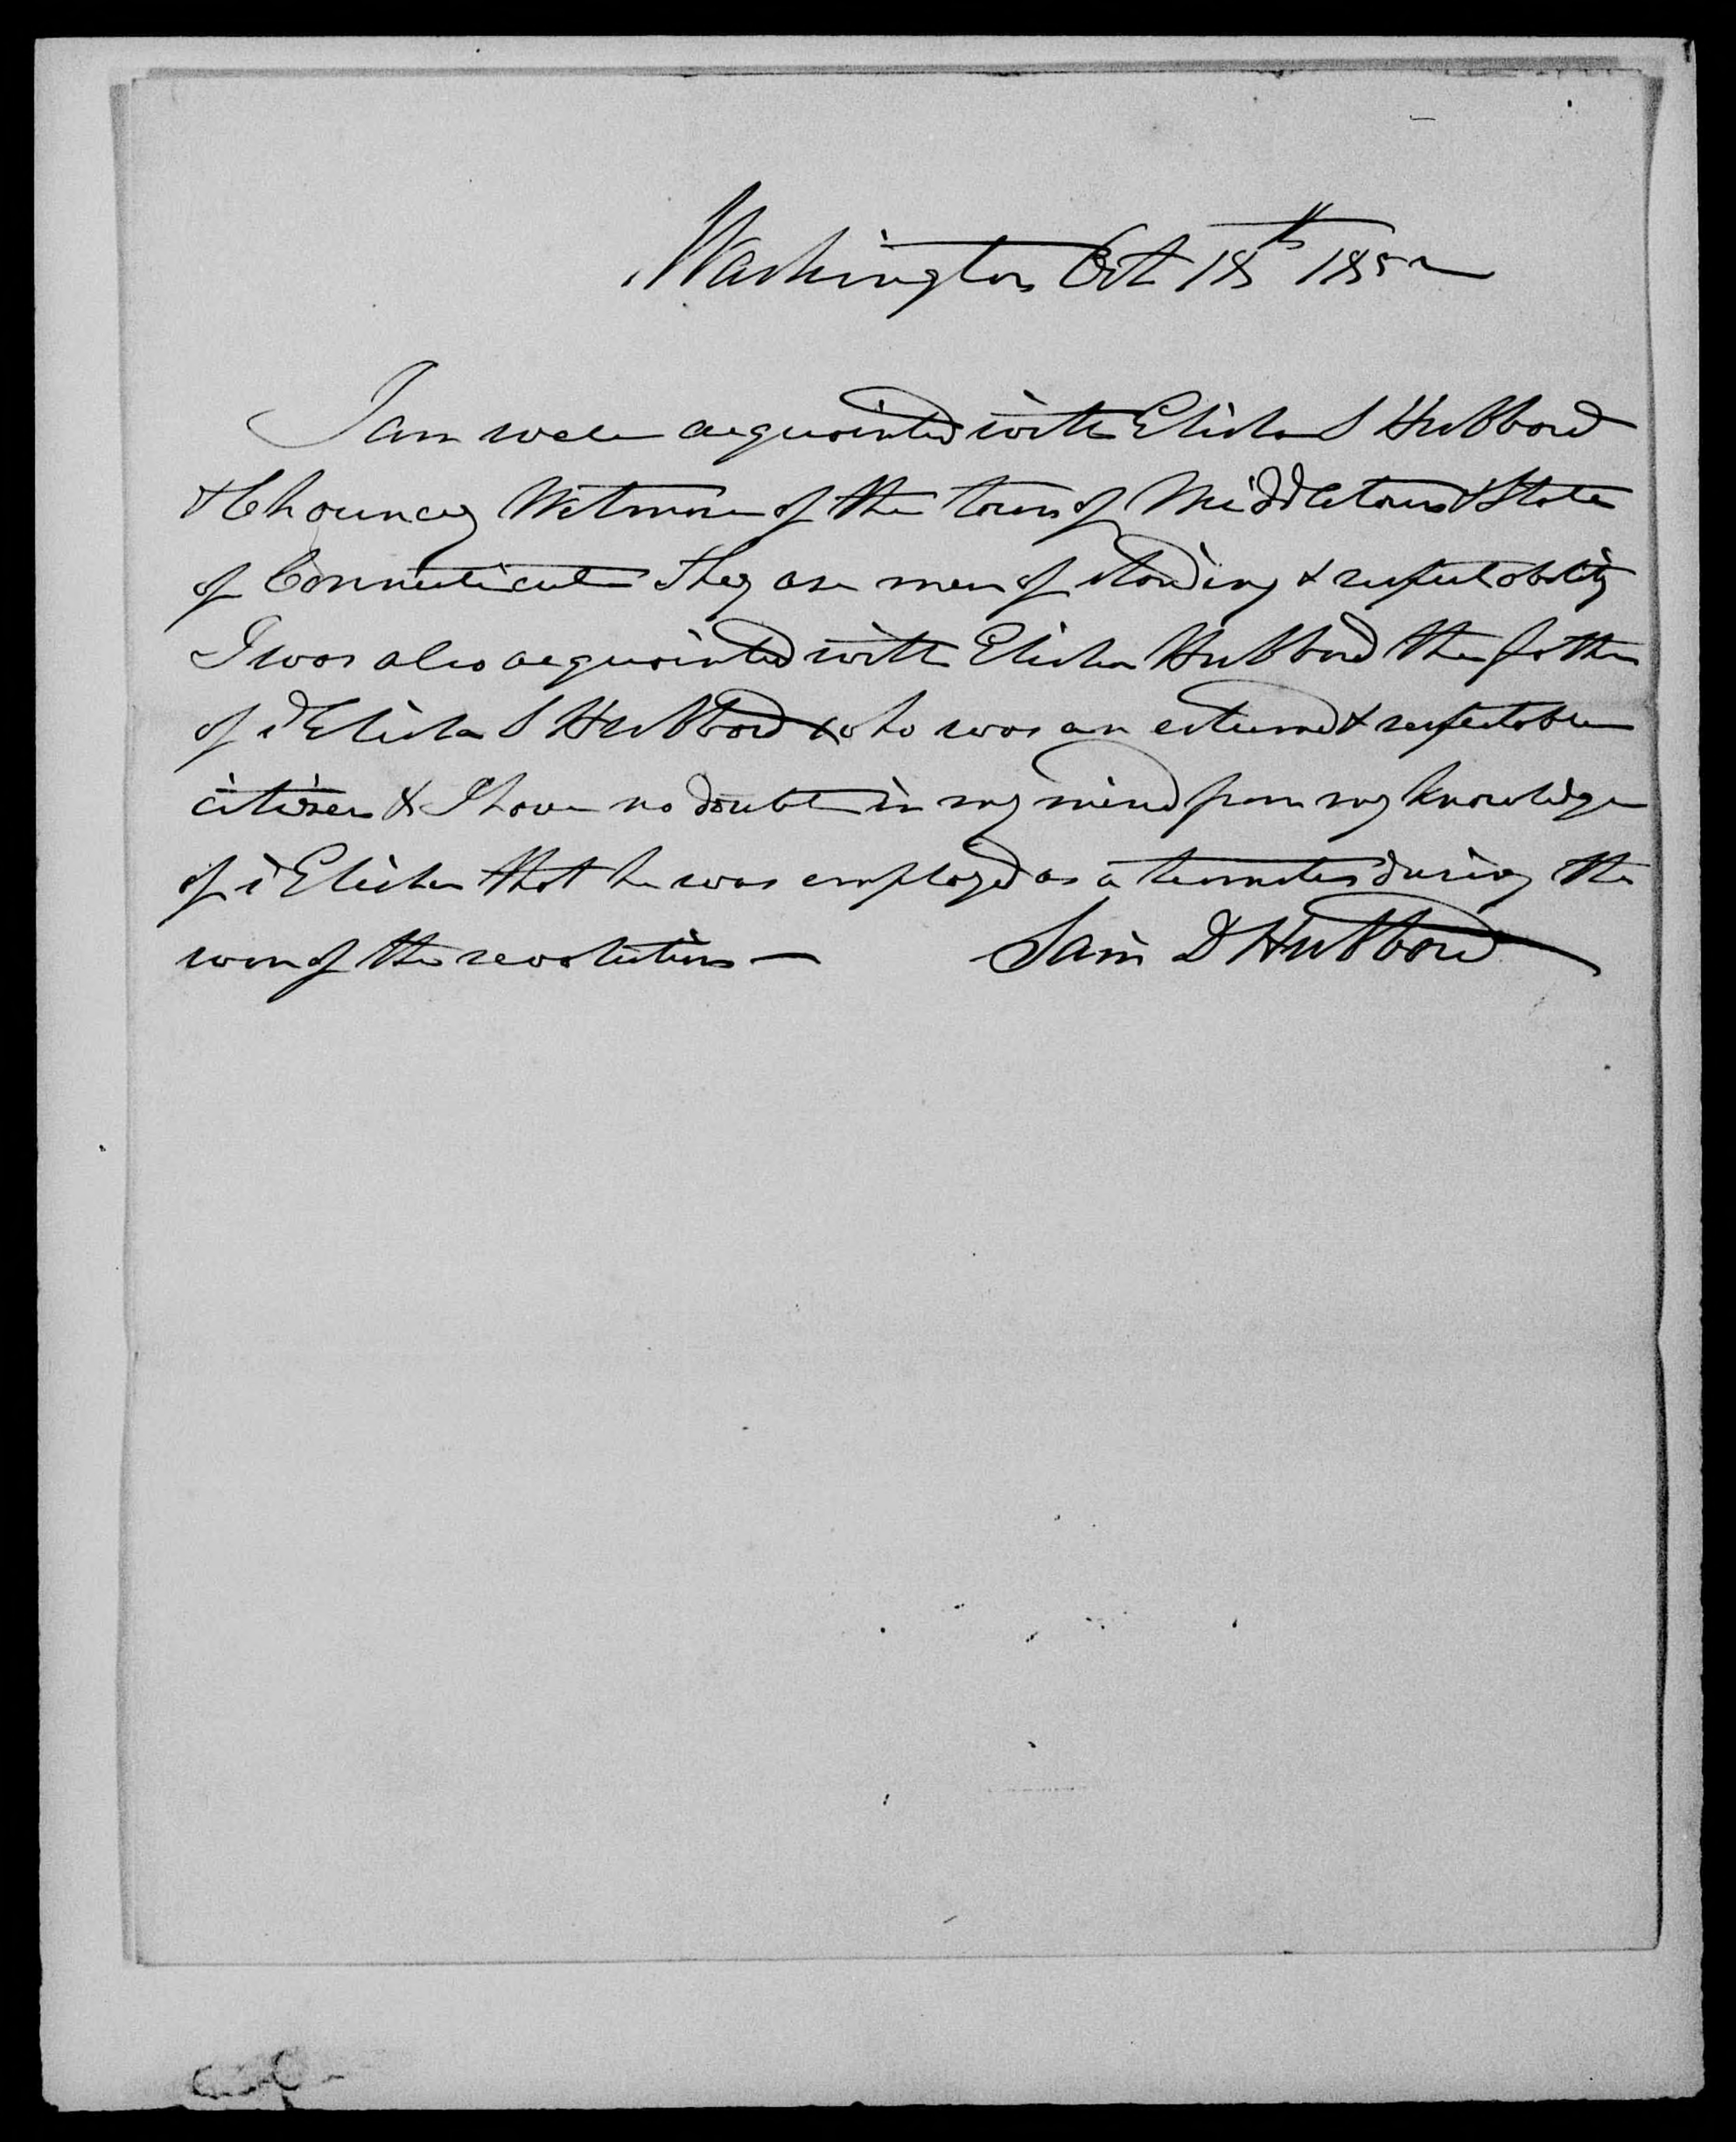Washington Oct 18th 1832

I am well acquainted with Elisha S Hubbard and Chauncy Wetmore of the town of Middletown & State of Connecticut they are men of (?) & respectability I was also acqainted with Elisha Hubbard the father of Elisha S Hubbard who was an esteemed & respectable citizen & I have no doubt in my mind from my knowledge of Elisha that he was employed as a teamster during the war of the revolution - 

Sam D Hubbard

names: Elisha S Hubbard, Elisha Hubbard, Chauncy Wetmore, Saml D Hubbard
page: 36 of 63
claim: survivor's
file: S. 18457, Elisha Hubbard, Conn. Continental